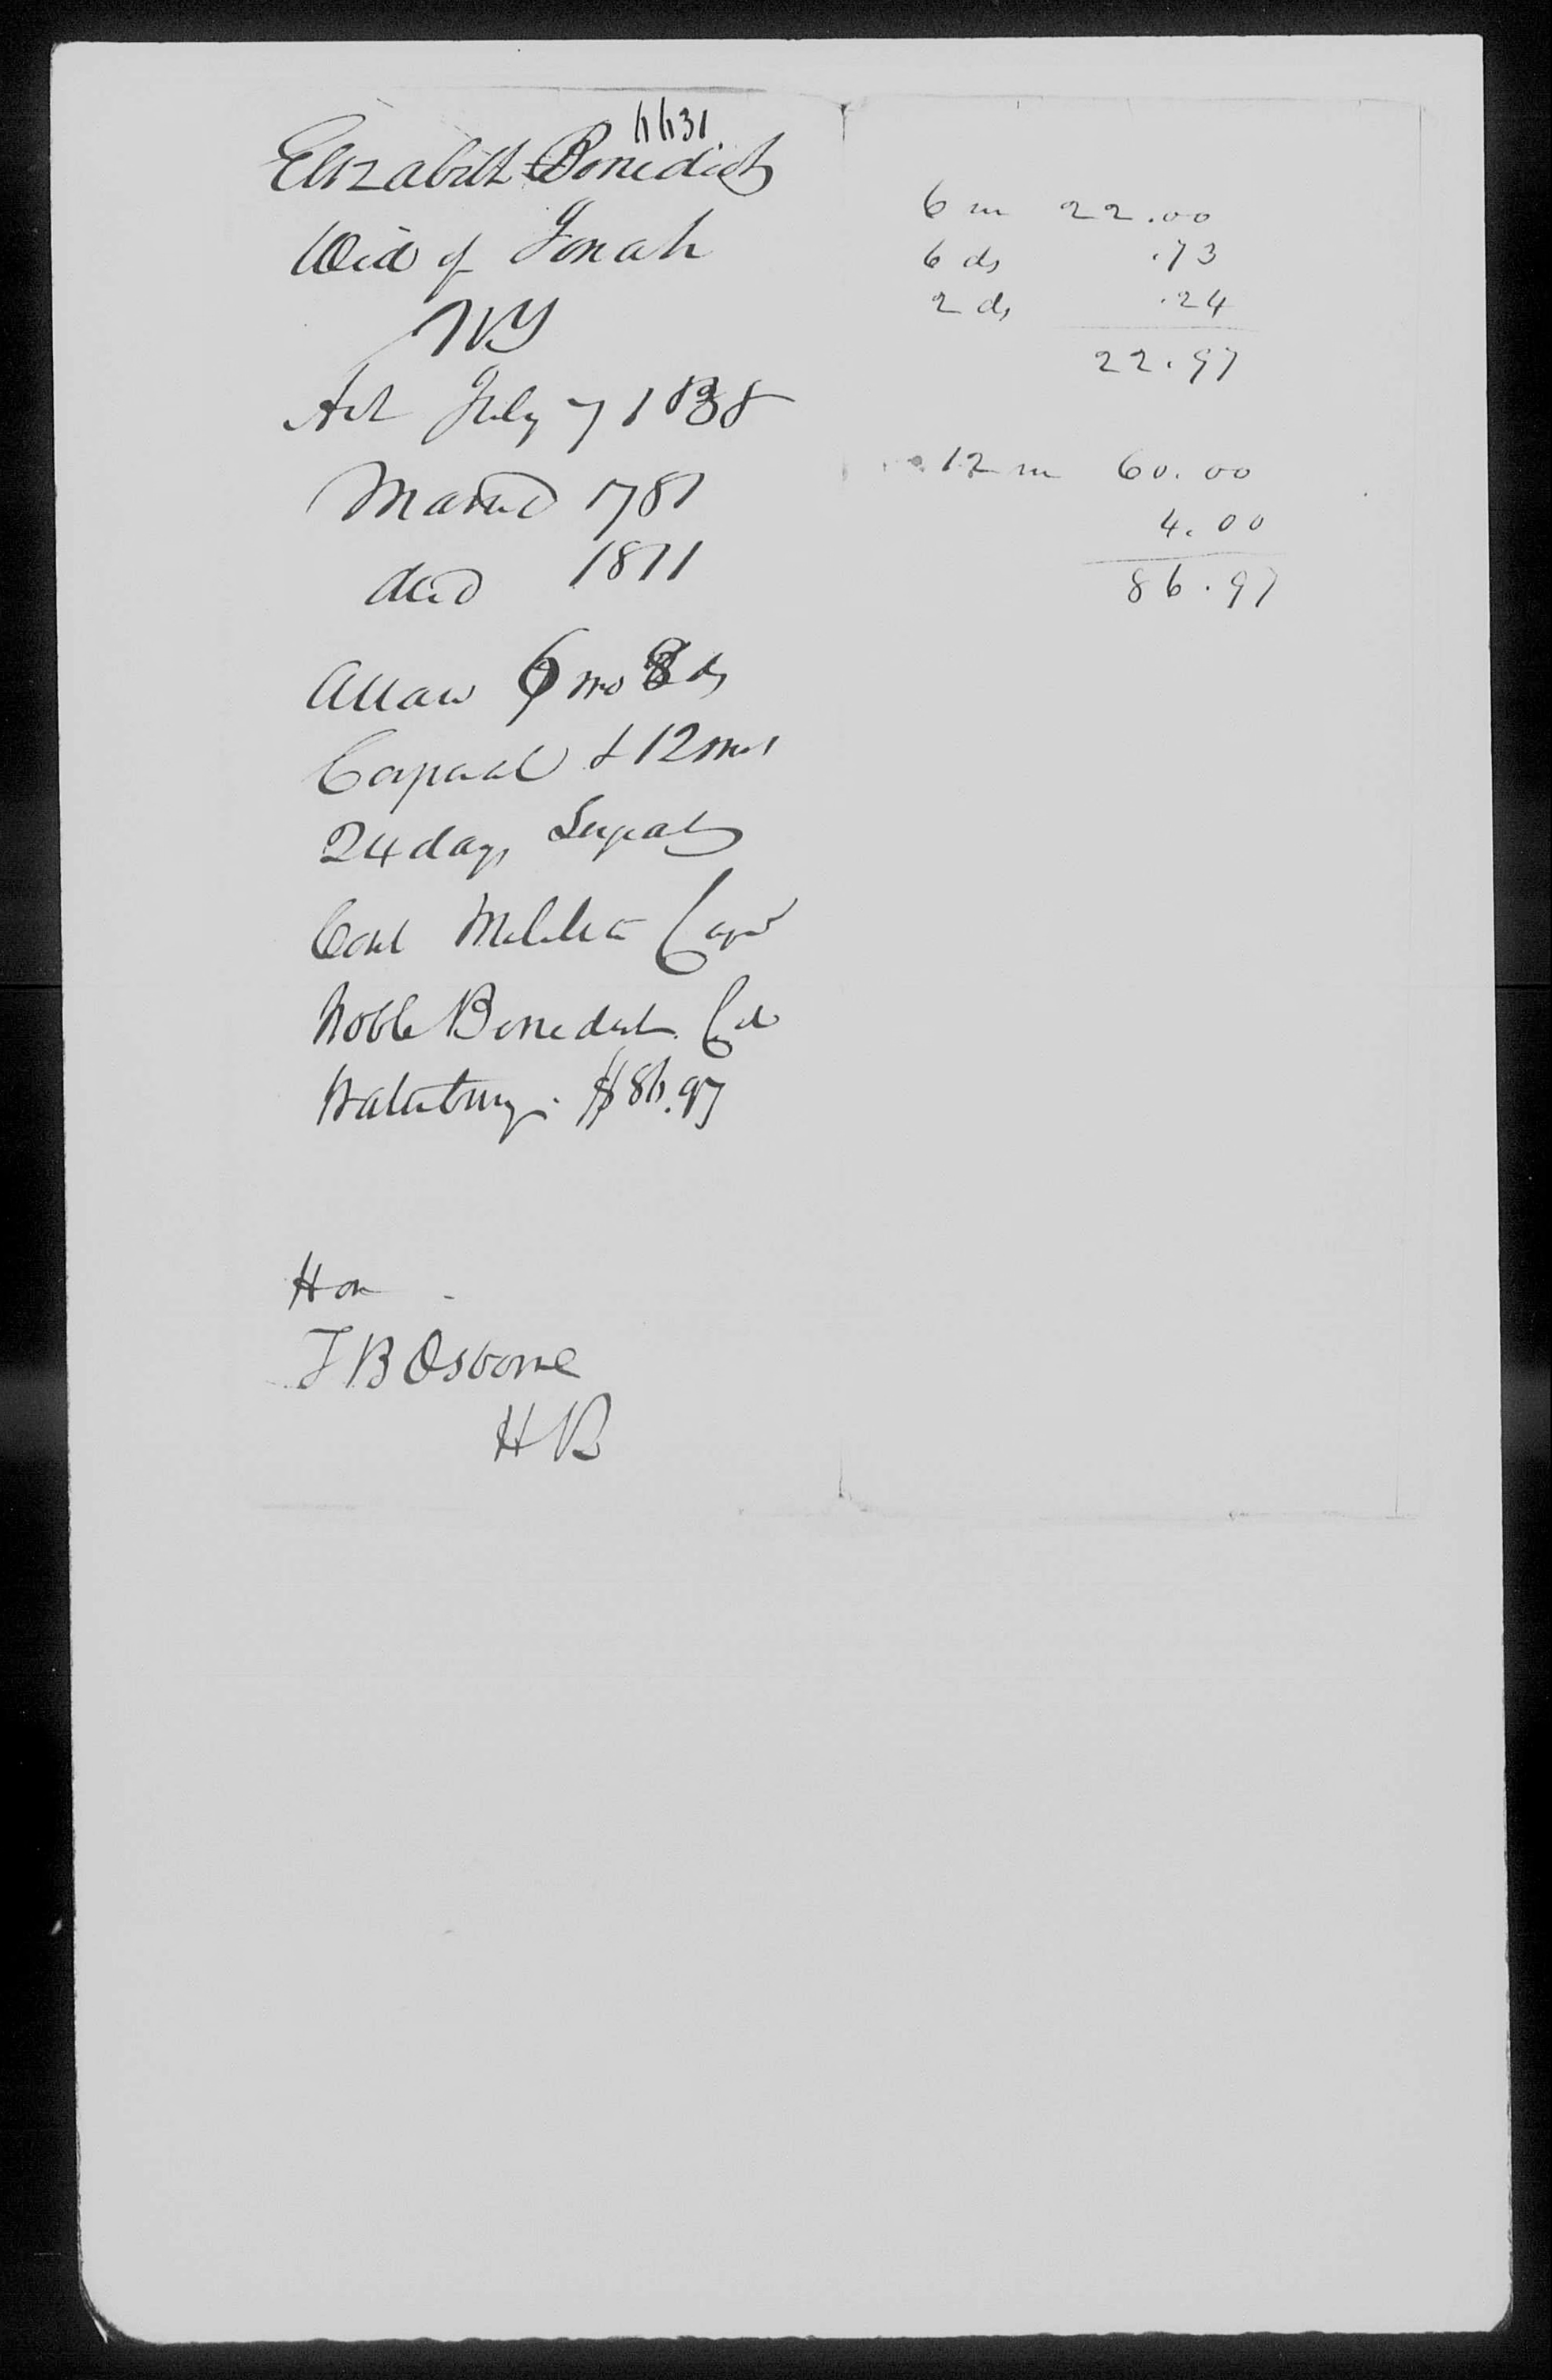6631
Elizabeth Benedict
Wid of Jonah
NY
Act July 7 1838
Married 1781
decd      1811
Allow  6 mo 8 d
Corporal & 12 mos
24 days Sergnt
Conn Millitia Carpt
Noble Benedict Col
Waterbury, $86.97
Hon
J B Osborne
          H R

6m          22.00
6 ds            .73
2d,              .24
               22.97

12 m      60.00
               4. 00
           ---------
              86.97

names: Jonah, T B Osborne, Elizabeth Benedict, Noble Benedict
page: 24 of 56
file: [ILLEGIBLE], Jonah Benedict, Conn.